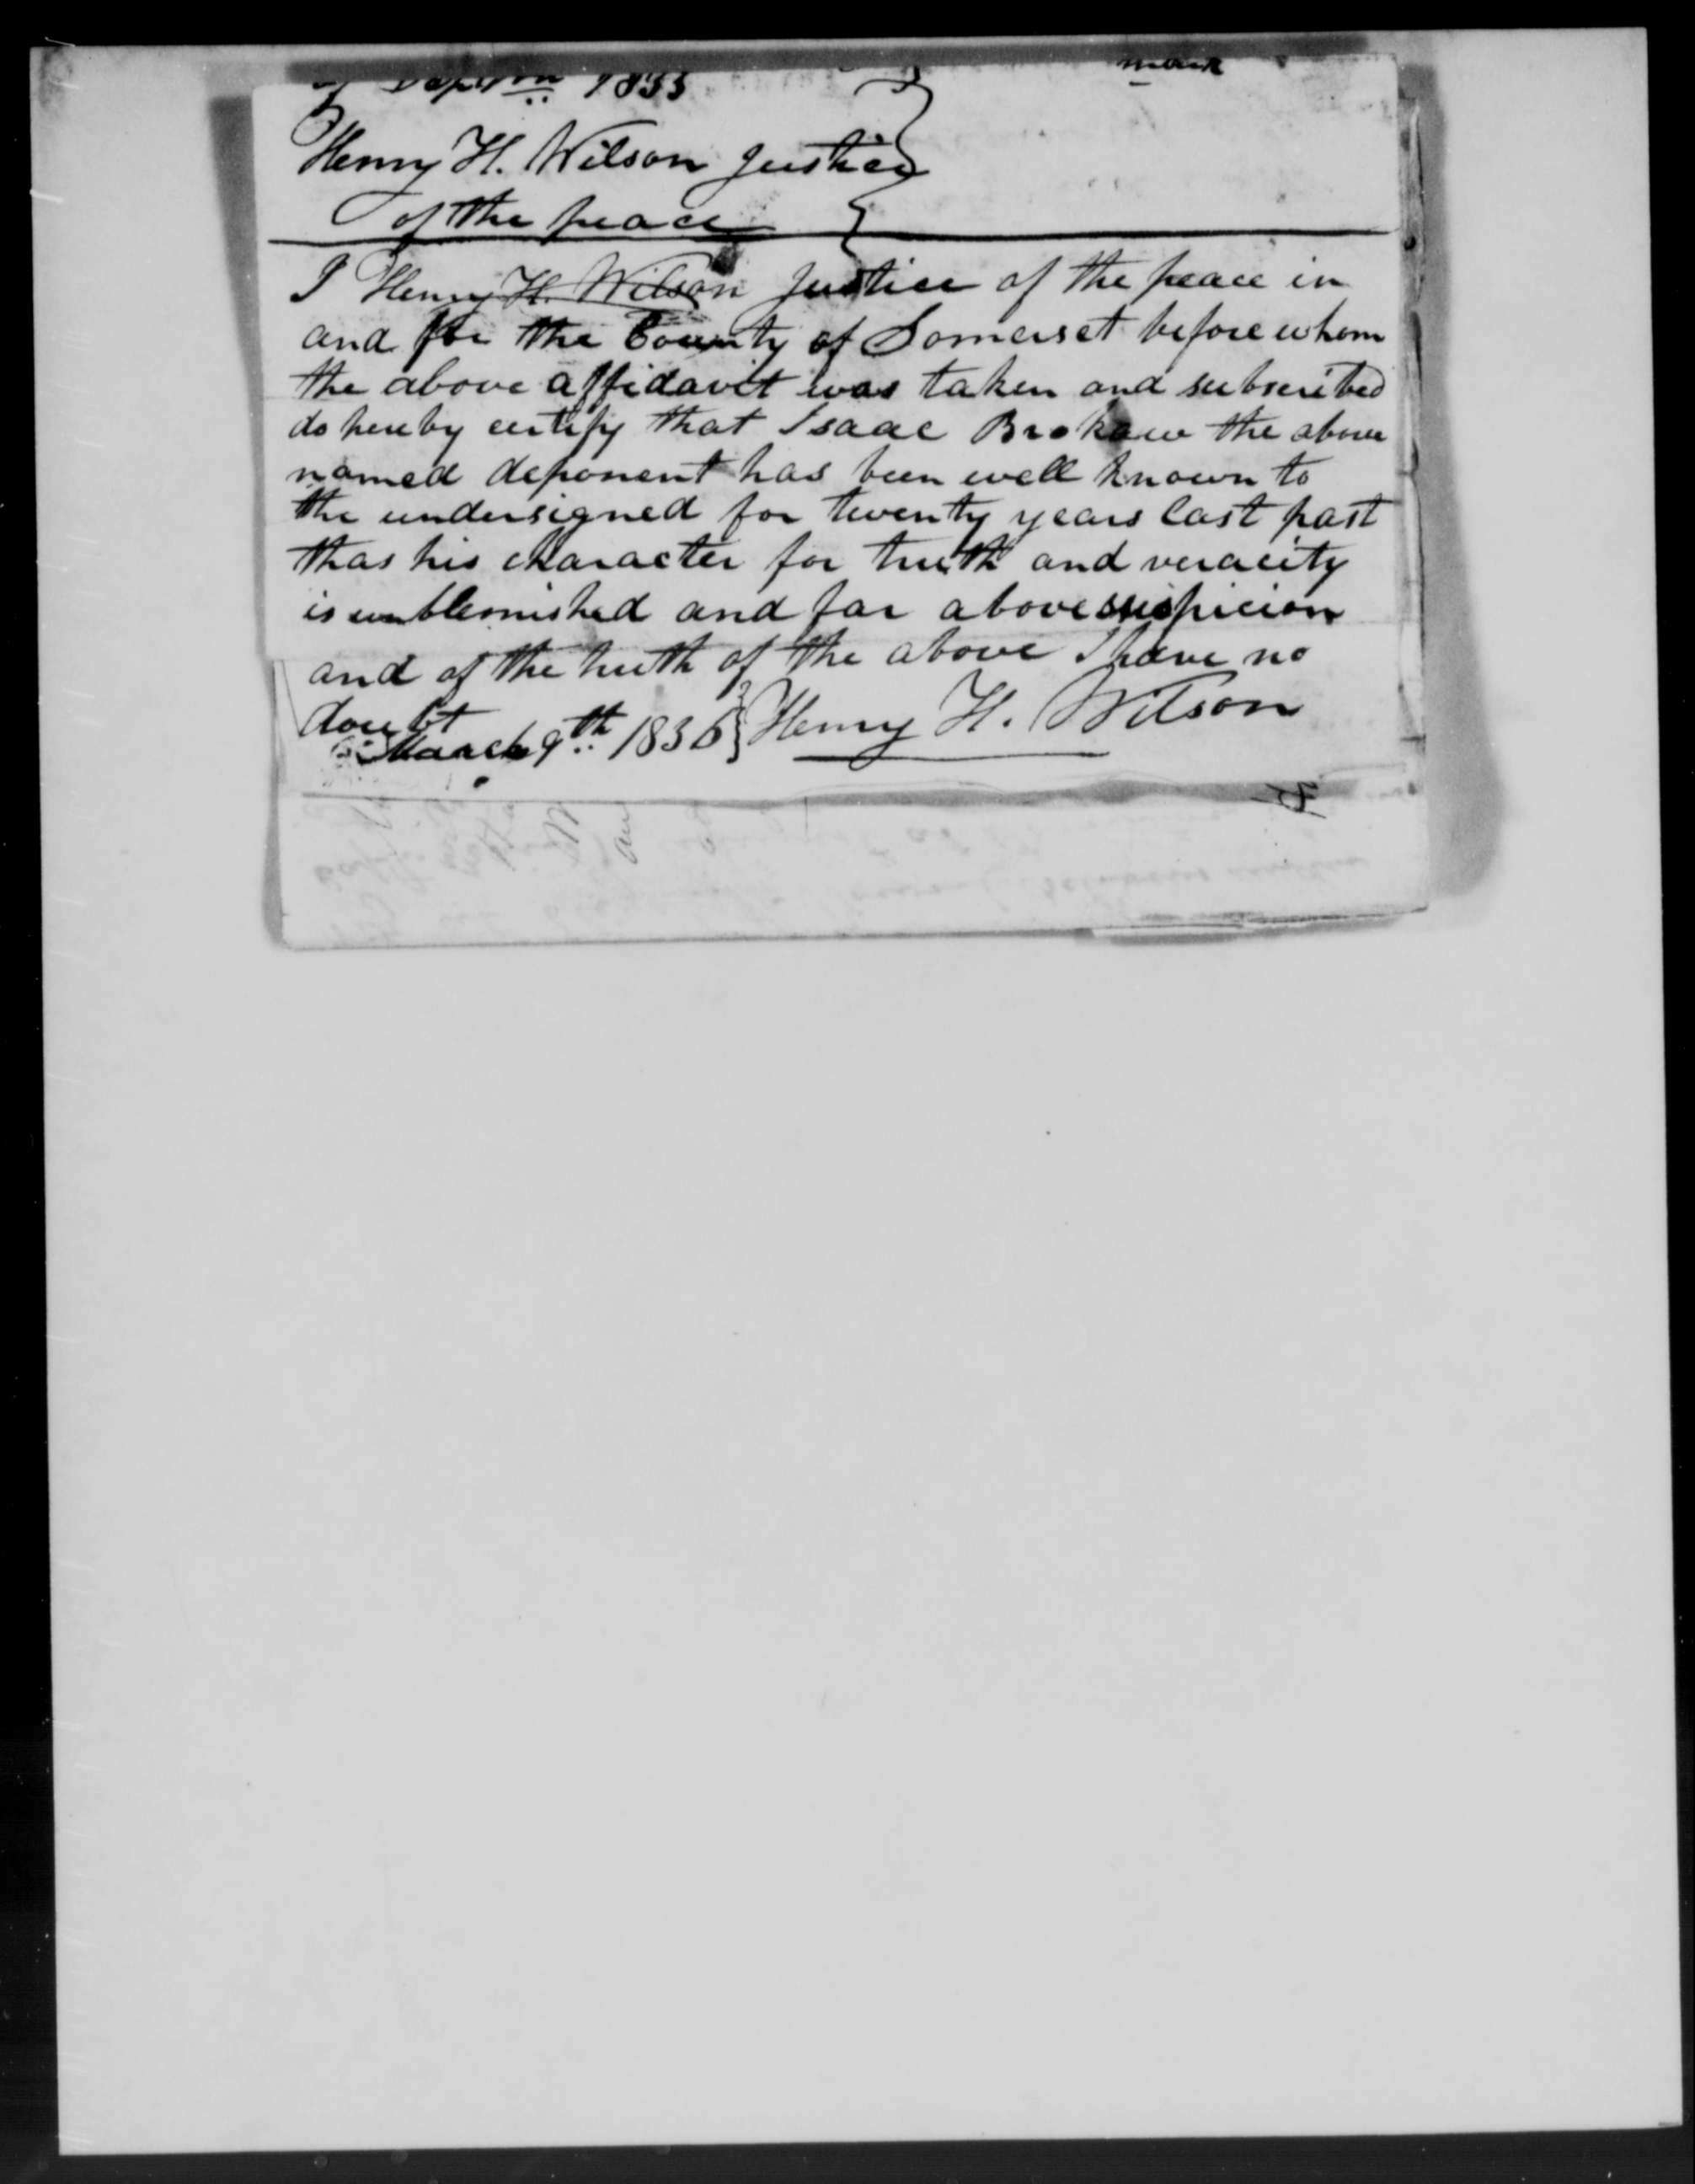Henry H. Wilson Justice of the peace

I Henry H. Wilson Justice of the peace in and for the County of Somerset before whom the above affidavit was taken and subscribed do hereby certify that Isaac Brokaw the above named deponent has been well known to the undersigned for twenty years last past that his character for truth and veracity is unblemished and far above suspicion and of the truth of the above I have no doubt

March 9th 1836 } Henry H. Wilson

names: Henry H Wilson, Isaac Brokaw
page: 23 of 40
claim: survivor's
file: S. 3564, Mindart Wilson, New Jersey